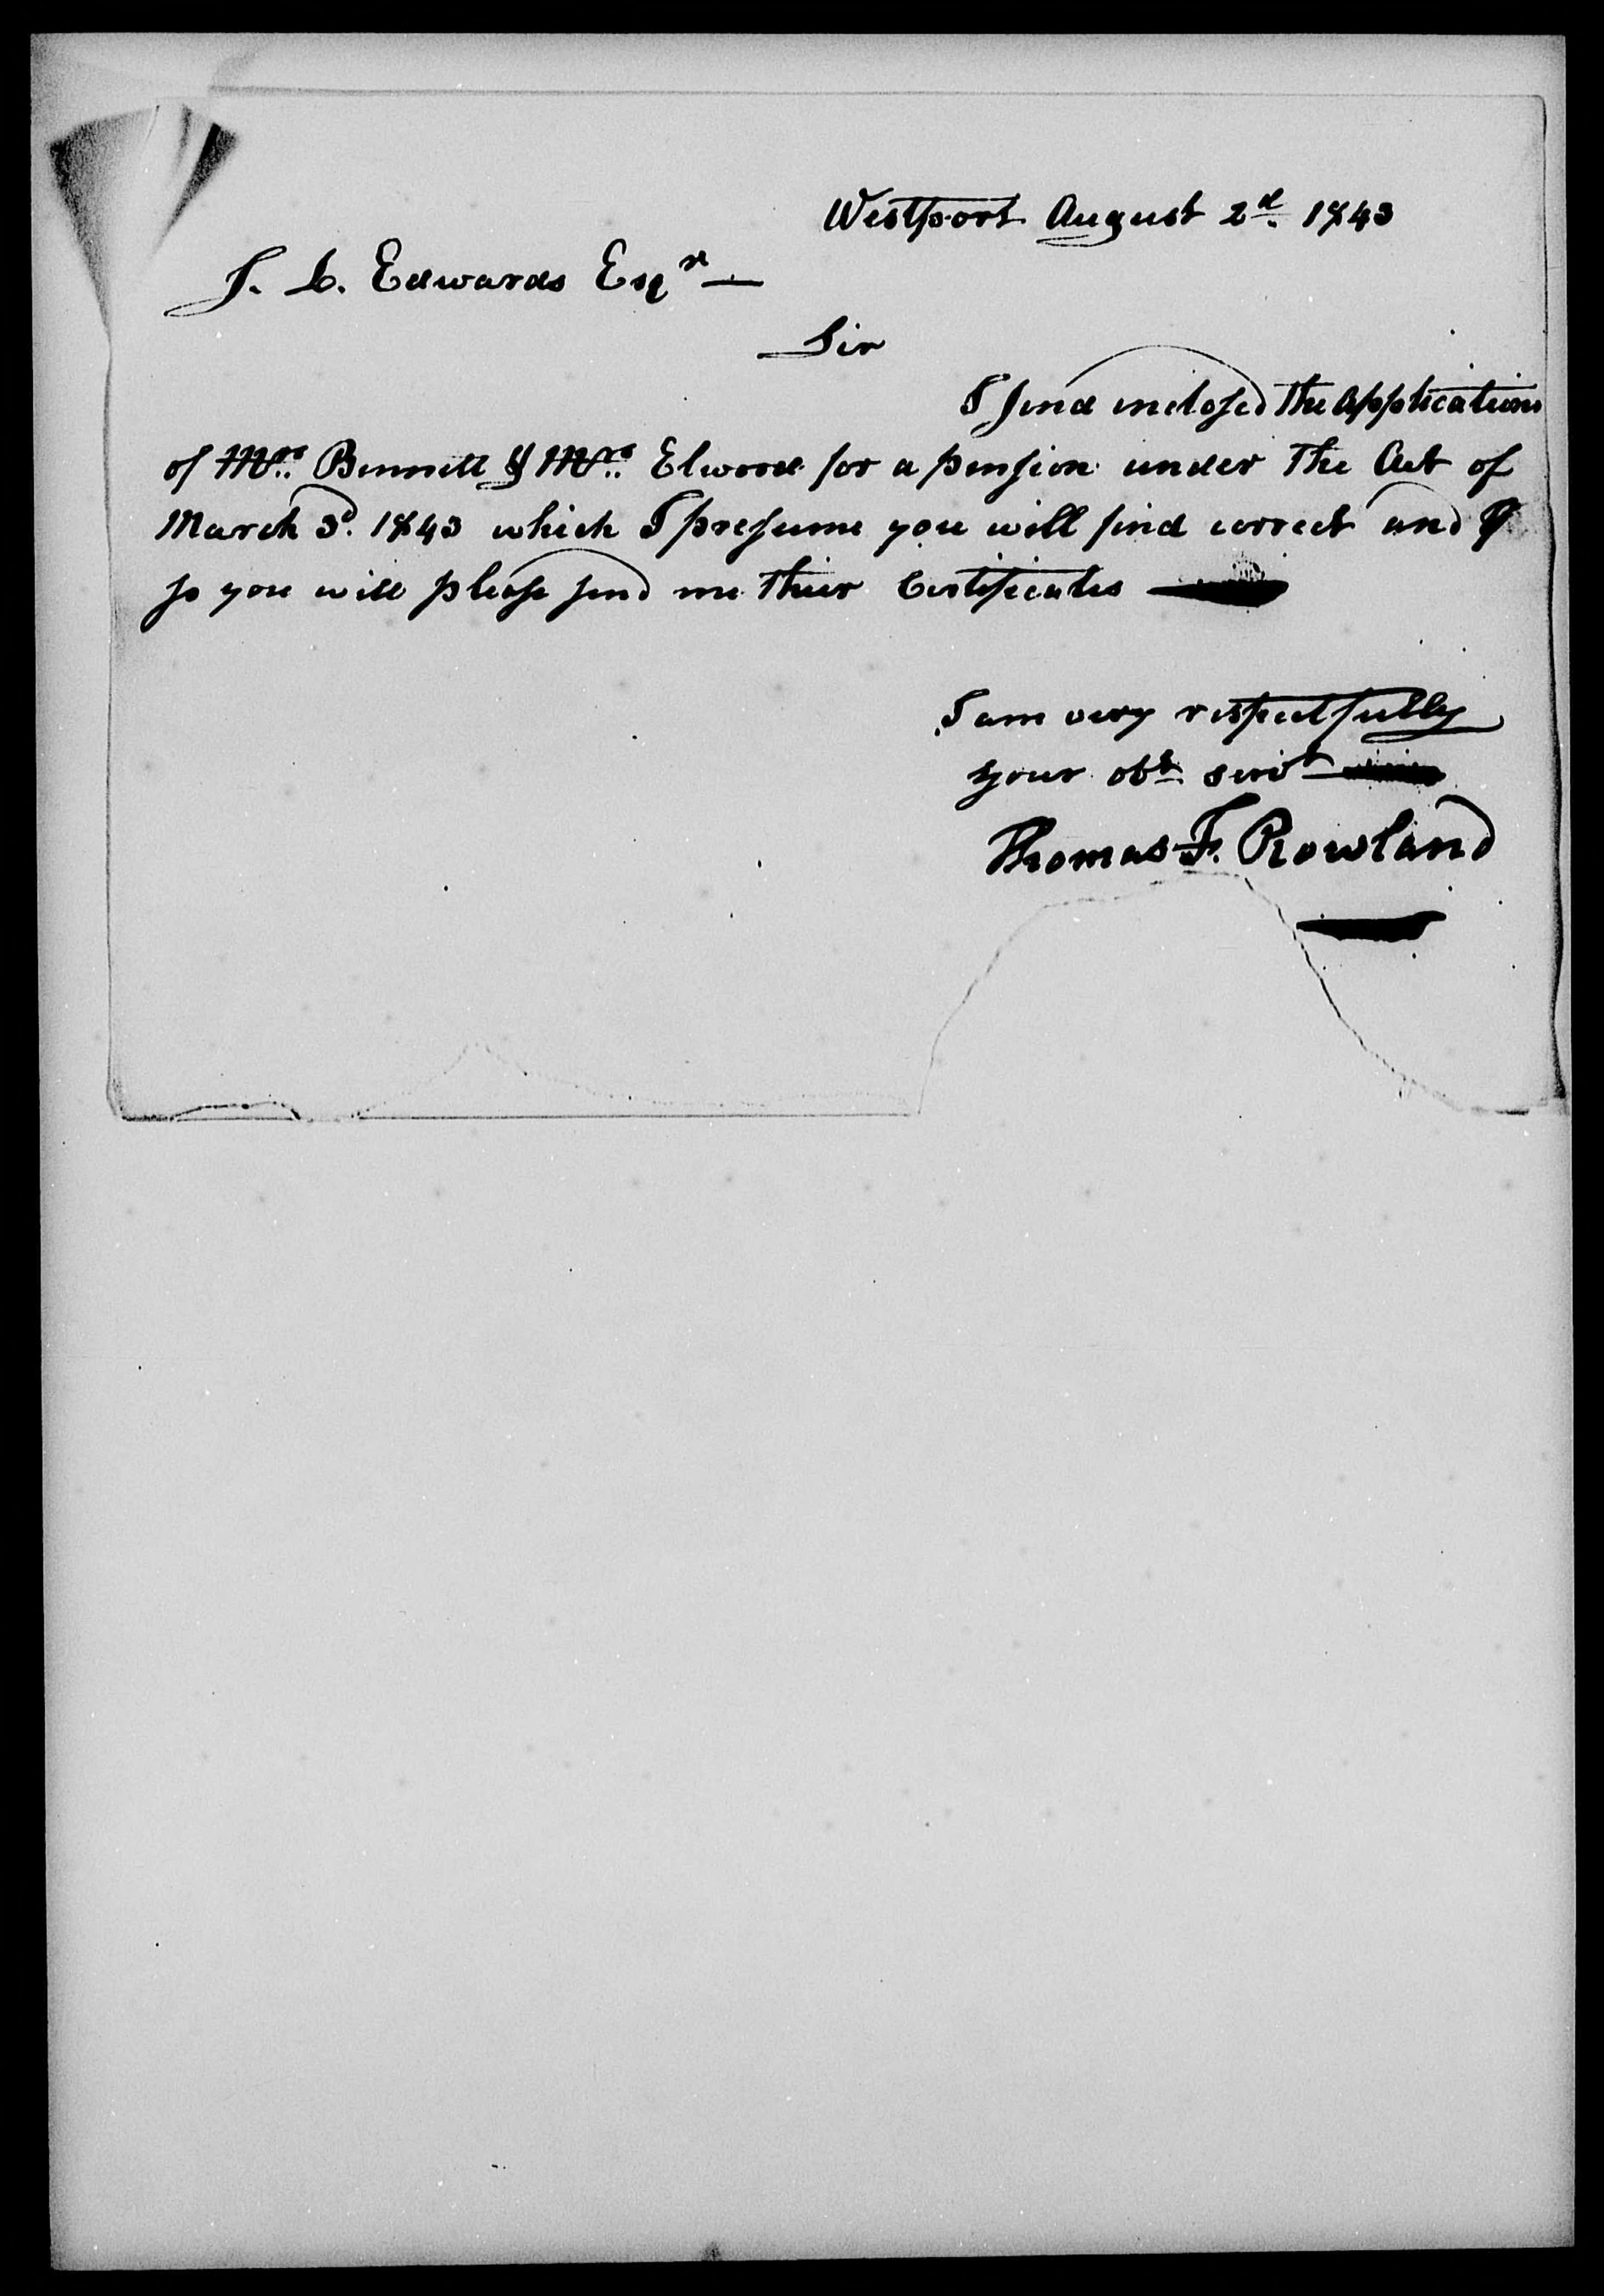Westport August 2d, 1843

J.L. Edwards Esq-

Sir

I find [unk] the application of Wm Bennett & Wm Elwood for a pension under the act of March 3d, 1843 which I presume you will find correct and so you will please send me the certificates.

I am very respectfully your obd servt

Thomas F Rowland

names: Thomas F Rowland, Elwood, Bennett, J L Edwards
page: 41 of 69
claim: widow's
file: W. 25562, Abijah Elwood, Conn.